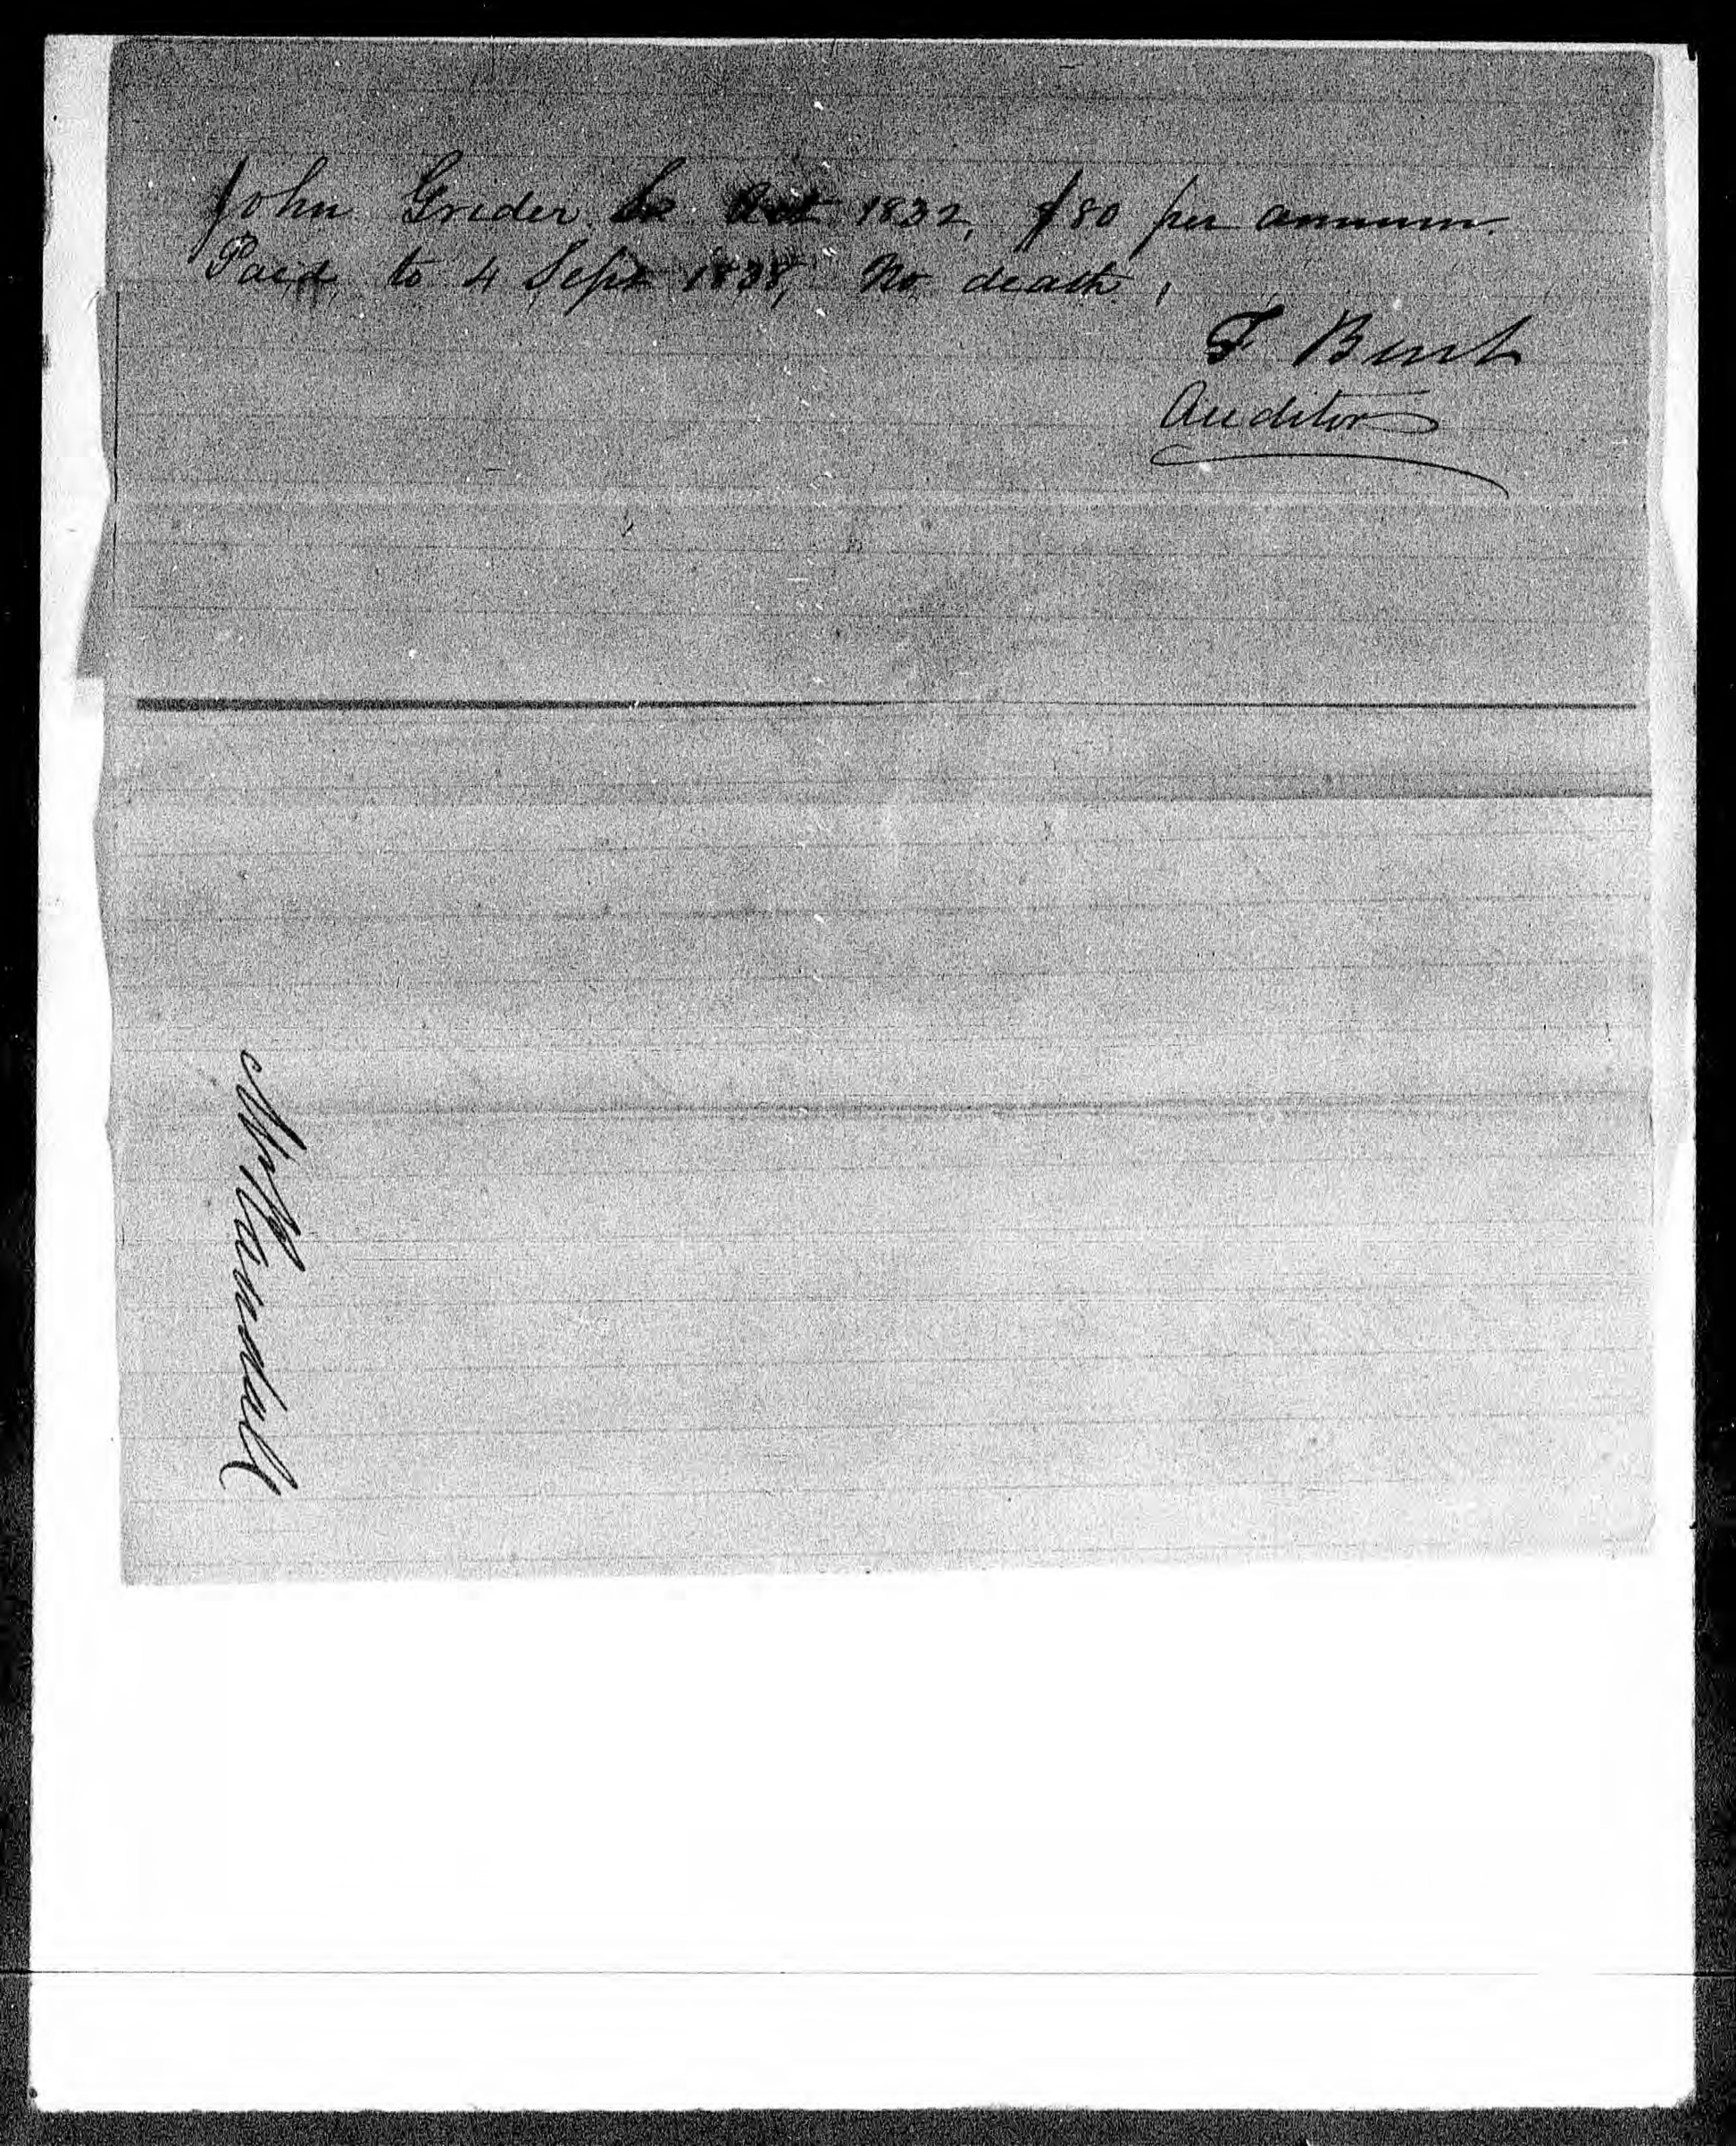John Grider Sr. Act 1832. $80 per annum
Paid to 4 Sept 1838, no death
F. Burt
Auditor


Mr. Randall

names: Randall, F Burt, John Grider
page: 32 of 91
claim: widow's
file: W 358, John Grider, N.C.